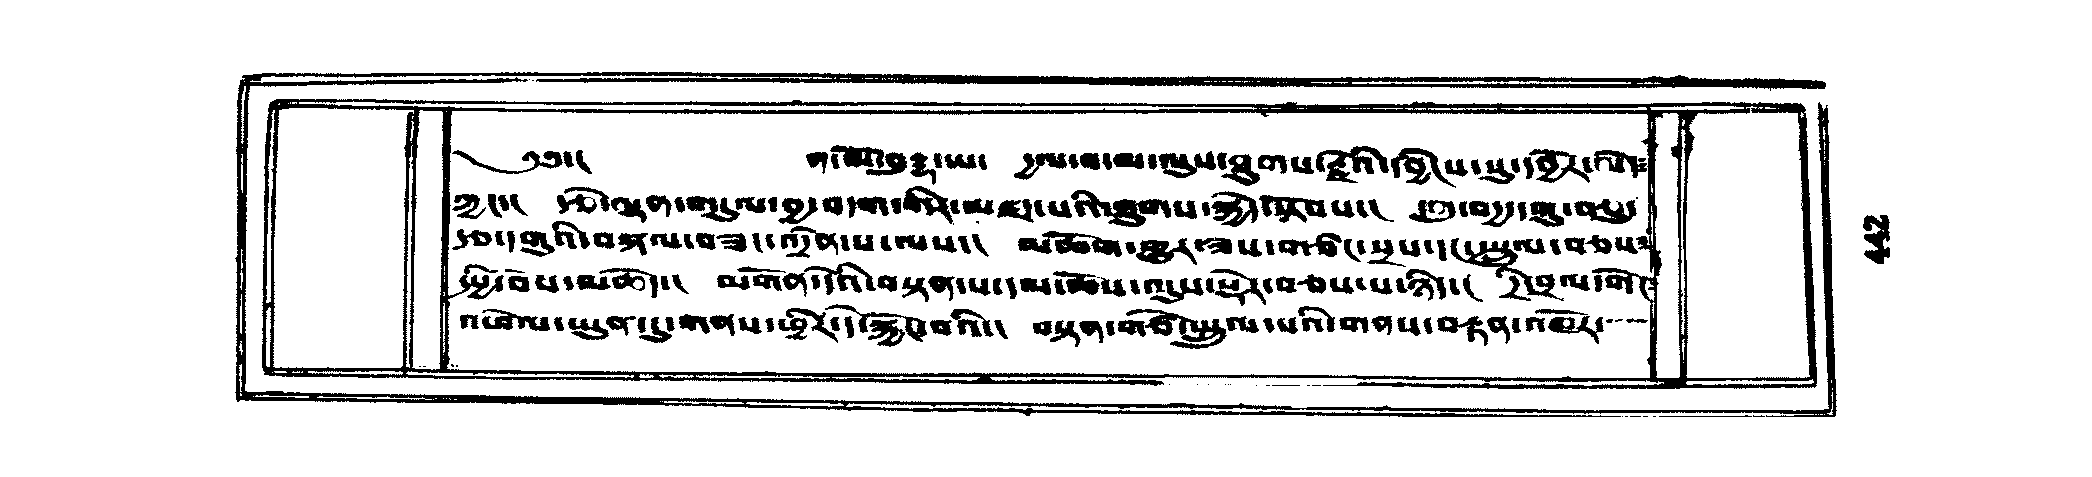ན་མོ་བུདྡྷ་ཡ། རྒྱལ་བ་མ་ལུས་ཐུགས་རྗེའི་དབྱིངས་སུ་དབྱེར་མེད་
ཀྱང་། །བརྩེ་ལྡན་གདུལ་བྱ་བདག་གིར་མཛད་པའི་ཐུགས་བསྐྱེད་སྟོབས། །དགུ་བརྒྱ་དགུ་བཅུ་
རྩ་དགུའི་སྐལ་བཟང་འདྲེན་པ་ལས། །མཆོག་གྱུར་ཟས་གཙང་སྲས་དང་སྤྲུལ་བཅས་
སྤྱི་བོས་མཆོད། །མགོན་དེའི་བསྟན་པ་དམ་ཆོས་འདུས་སྡེར་བཅས་པ་ཉིད། །དྲི་བྲལ་གོང་
འཕེལ་ཡུན་དུ་གནས་ཕྱིར་དེ་སྐྱོང་བའི། །བསྟན་གཙོ་སྤྲུལ་པའི་གནས་བརྟན་འཁོར་